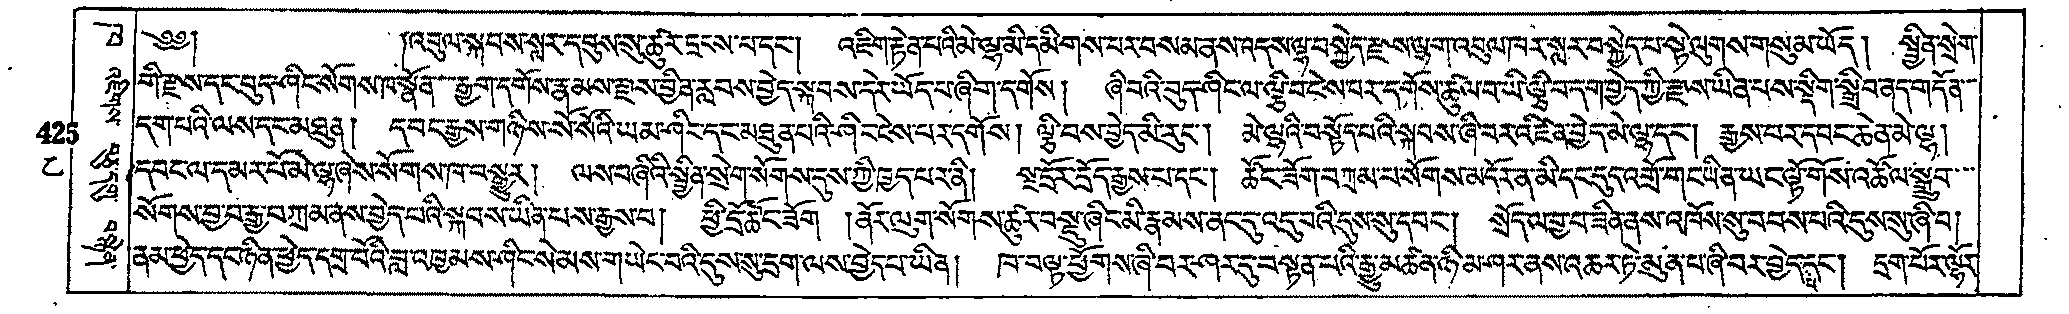༄༅། །འབུལ་སྐབས་སླར་དབུས་སུ་ཚུར་དྲངས་པ་དང་། འཇིག་རྟེན་པའི་མེ་ལྷ་མི་དམིགས་པར་བསམ་ནས་འདས་ལྷ་བསྐྱེད་རྫས་ལྷག་འབུལ་ཁར་སླར་བསྐྱེད་པ་སྟེ་ལུགས་གསུམ་ཡོད། སྦྱིན་སྲེག་
གི་རྫས་དང་བུད་ཤིང་སོགས་ཁ་སྣོན་་་རྒྱག་དགོས་རྣམས་རྫས་བྱིན་རླབས་བྱེད་སྐབས་དེར་ཡོད་པ་ཞིག་དགོས། ཞི་བའི་བུད་ཤིང་ལ་ལྕི་བ་ངེས་པར་དགོས་ཚུལ་བ་ཡི་ལྕི་བ་དག་བྱེད་ཀྱི་རྫས་ཡིན་པས་སྡིག་སྒྲིབ་ནད་གདོན་་་
དག་པའི་ལས་དང་མཐུན། དབང་རྒྱས་གཉིས་སོ་སོའི་ཡམ་ཤིང་དང་མཐུན་པའི་ཤིང་ངེས་པར་དགོས། ལྕི་བས་བྱེད་མི་རུང་། མེ་ལྷའི་བསྟོད་པའི་སྐབས་ཞི་བར་འཛིན་བྱེད་མེ་ལྷ་དང་། རྒྱས་པར་དབང་ཆེན་མེ་ལྷ།
དབང་ལ་དམར་པོ་མེ་ལྷ་ཞེས་སོགས་ཁ་བསྒྱུར། ལས་བཞིའི་སྦྱིན་སྲེགས་སོགས་དུས་ཀྱི་ཁྱད་པར་ནི། སྔ་དྲོར་དྲོད་རྒྱས་པ་དང་། ཚོང་ཟོག་བཀྲམ་པ་སོགས་མདོར་ན་མི་དང་དུད་འགྲོ་གང་ཡིན་ཡང་ལྟོ་གོས་འཚོལ་སྒྲུབ་་་
སོགས་བྱ་བ་རྒྱ་བཀྲམ་ནས་བྱེད་པའི་སྐབས་ཡིན་པས་རྒྱས་པ། ཕྱི་དྲོ་ཚོང་ཟོག །ནོར་ལུག་སོགས་ཚུར་བསྡུ་ཞིང་མི་རྣམས་ནང་དུ་འདུ་བའི་དུས་སུ་དབང་། སྲོད་ལ་བྱ་བ་ཟིན་ནས་འཁོས་སུ་བབས་པའི་དུས་སུ་ཞི་བ།
ནམ་ཕྱེད་དང་ཉིན་ཕྱེད་དགྲ་བོའི་བླ་འཁྱམས་ཤིང་སེམས་གཡེང་བའི་དུས་སུ་དྲག་ལས་བྱེད་པ་ཡིན། །བ་བལྟ་ཕྱོགས་ཞི་བར་ཤར་དུ་བསྟན་པའི་རྒྱུ་མཚན་ཉི་མ་ཤར་ནས་འཆར་ཏེ་མུན་པ་ཞི་བར་བྱེད་པ་དང་། དྲག་པོར་ལྷོར་